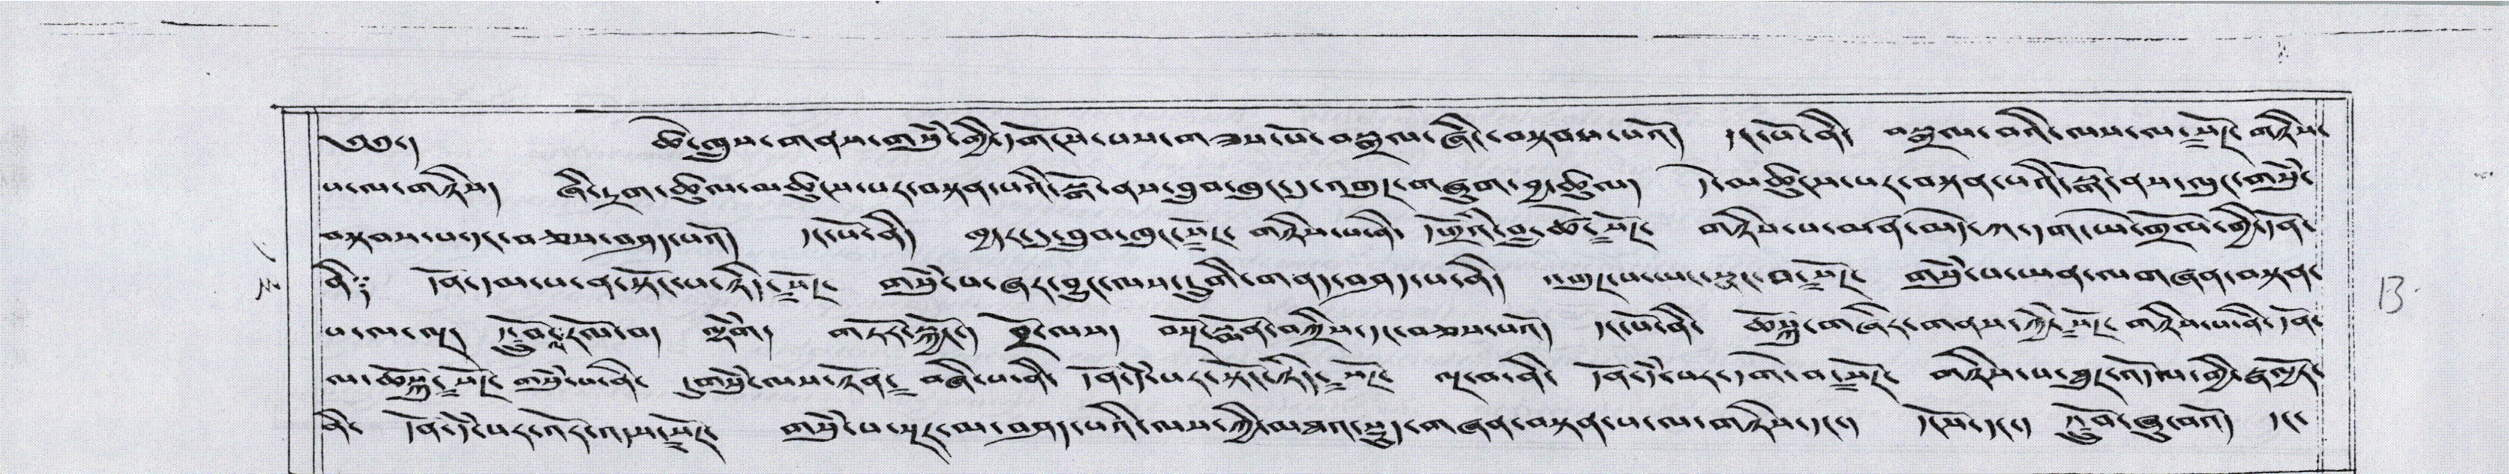ཚེ་ཁྲུས་གནས་གསུམ་གྱི་དགོངས་པས་གཟས་པོ་བསྒྲལ་ཞིང་བསྟབས་པའོ། དང་པོ་ནི། བསྒྲལ་བའི་ལས་ལ་སོགས། གཉིས་
པ་ལ་གཉིས། ཞི་དྲག་ཚུལ་མཚུངས་པར་བསྟན་པའི་སྒོ་ནས་བྲུབ་ཁུང་དུ་འགུགས་གཞུག་བྱ་ཚུལ། དེ་མཚུངས་པར་བསྟན་པའི་སྒོ་ནས་ལུང་གསུམ་
བསྟབས་པ་དང་བཅས་བཤད་པའོ། དང་པོ་ནི། ཁྱད་པར་དུ་བྲུབ་ཁུང་སོགས། གཉིས་ཡིན། དགྲ་བོའི་བླ་ཚེ་སོགས། གཉིས་པ་མཚན་མེད་ཀ་དག་ཡེ་གྲོལ་གྱི་དོན་
ནི། དོན་དམ་པ་ན་སྟོང་པ་ཉིད་སོགས། གསུམ་པ་ཞར་བྱུང་ལས་དྲུག་གི་གནད་བཤད་པ་ནི། འགུགས་པ་ཡང་སྣང་བ་སོགས། གསུམ་པ་ཡན་ལག་གཞན་བསྟན་
པ་ལ་ལྔ། དངོས་གྲུབ་ལ་རོལ་བ། ལྷག་མ། གཏོར་སྐྱོང། བྲོ་ལས། བསྔོ་སྨོན་བཀྲ་ཤིས་དང་བཅས་པའོ། དང་པོ་ནི། ཆོས་སྐུ་གཞིར་གནས་ཀྱི་སོགས། གཉིས་པ་ནི། དོན་
ལ་ཆོས་སྐུ་སོགས། གསུམ་པ་ནི། དུག་གསུམ་ལས་ཉོན་་་། བཞི་པ་ནི། དོན་དམ་པར་སྟོང་ཉིད་སོགས། ལྔ་པ་ནི། དོན་དམ་པར་དགེ་བ་སོགས། གཉིས་པ་ཐུགས་འདོལ་གྱི་རྣལ་འབྱོར་
ནི། དོན་དམ་པར་འཁོར་འདས་སོགས། གསུམ་པ་སྔར་མ་བཤད་པའི་ལས་ཀྱི་མཐའ་སྡུད་གཞན་བསྟན་པ་ལ་གཉིས་དང། དངོས་དང། དངོས་གྲུབ་ཞུ་བའོ། དང་